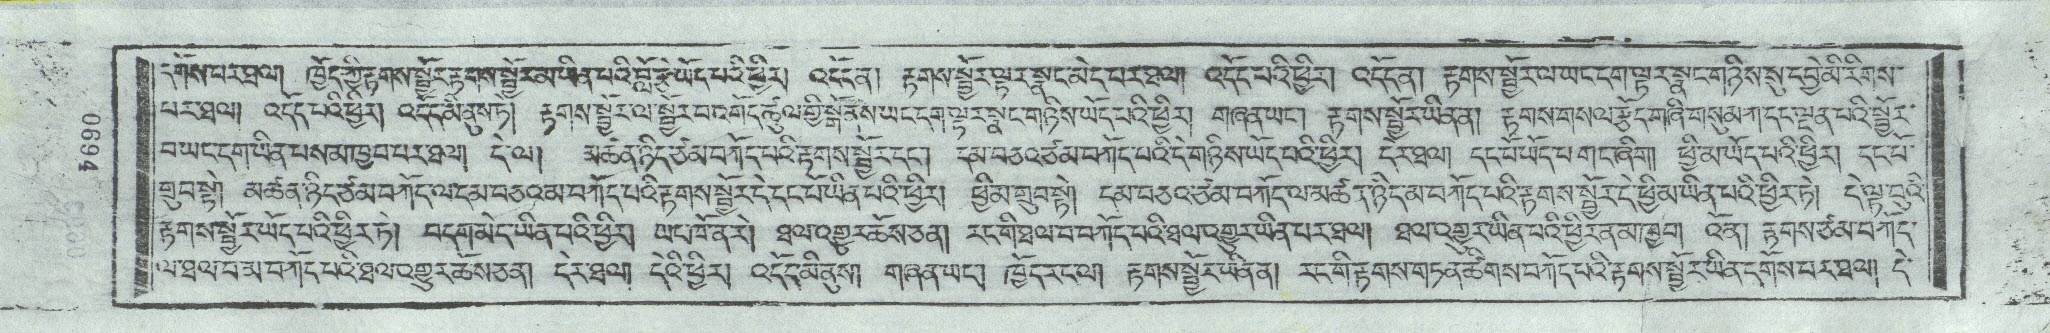དགོས་པར་ཐལ། ཁྱོད་ཀྱི་རྟགས་སྦྱོར་རྟགས་སྦྱོར་མ་ཡིན་པའི་བློ་རྩེ་ཡོད་པའི་ཕྱིར། འདོད་ན། རྟགས་སྦྱོར་ལྟར་སྣང་མེད་པར་ཐལ། འདོད་པའི་ཕྱིར། འདོད་ན། རྟགས་སྦྱོར་ལ་ཡང་དག་ལྟར་སྣང་གཉིས་སུ་དབྱེ་མི་རིགས་
པར་ཐལ། འདོད་པའི་ཕྱིར། འདོད་མི་ནུས་ཏེ། རྟགས་སྦྱོར་ལ་སྦྱོར་བ་འགོད་ཚུལ་གྱི་སྒོ་ནས་ཡང་དག་ལྟར་སྣང་གཉིས་ཡོད་པའི་ཕྱིར། གཞན་ཡང་། རྟགས་སྦྱོར་ཡིན་ན། རྟགས་གསལ་རྩོད་གཞི་གསུམ་ཀ་དང་ལྡན་པའི་སྦྱོར་
བ་ཡང་དག་ཡིན་པས་མ་ཁྱབ་པར་ཐལ། དེ་ལ། མཚན་ཉིད་ཙམ་བཀོད་པའི་རྟགས་སྦྱོར་དང་། དམ་བཅའ་ཙམ་བཀོད་པའི་དེ་གཉིས་ཡོད་པའི་ཕྱིར། དེར་ཐལ། དང་པོ་ཡོད་པ་གང་ཞིག། ཕྱི་མ་ཡོད་པའི་ཕྱིར། དང་པོ་
གྲུབ་སྟེ། མཚན་ཉིད་ཙམ་བཀོད་ལ་དམ་བཅའ་མ་བཀོད་པའི་རྟགས་སྦྱོར་དེ་དང་པོ་ཡིན་པའི་ཕྱིར། ཕྱི་མ་གྲུབ་སྟེ། དམ་བཅའ་ཙམ་བཀོད་ལ་མཚན་ཉིད་མ་བཀོད་པའི་རྟགས་སྦྱོར་དེ་ཕྱི་མ་ཡིན་པའི་ཕྱིར་ཏེ། དེ་ལྟ་བུའི་
རྟགས་སྦྱོར་ཡོད་པའི་ཕྱིར་ཏེ། བདག་མེད་ཡིན་པའི་ཕྱིར། ཡང་ཁོ་ན་རེ། ཐལ་འགྱུར་ཆོས་ཅན། རང་གི་ཐལ་བ་བཀོད་པའི་ཐལ་འགྱུར་ཡིན་པར་ཐལ། ཐལ་འགྱུར་ཡིན་པའི་ཕྱིར་ན་མ་ཁྱབ། འོ་ན། རྟགས་ཙམ་བཀོད་
ལ་ཐལ་བ་མ་བཀོད་པའི་ཐལ་འགྱུར་ཆོས་ཅན། དེར་ཐལ། དེའི་ཕྱིར། འདོད་མི་ནས། གཞན་ཡང་། ཁྱོད་རང་ལ། རྟགས་སྦྱོར་ཡིན་ན། རང་གི་རྟགས་གཏན་ཚིགས་བཀོད་པའི་རྟགས་སྦྱོར་ཡིན་དགོས་པར་ཐལ། དེ་